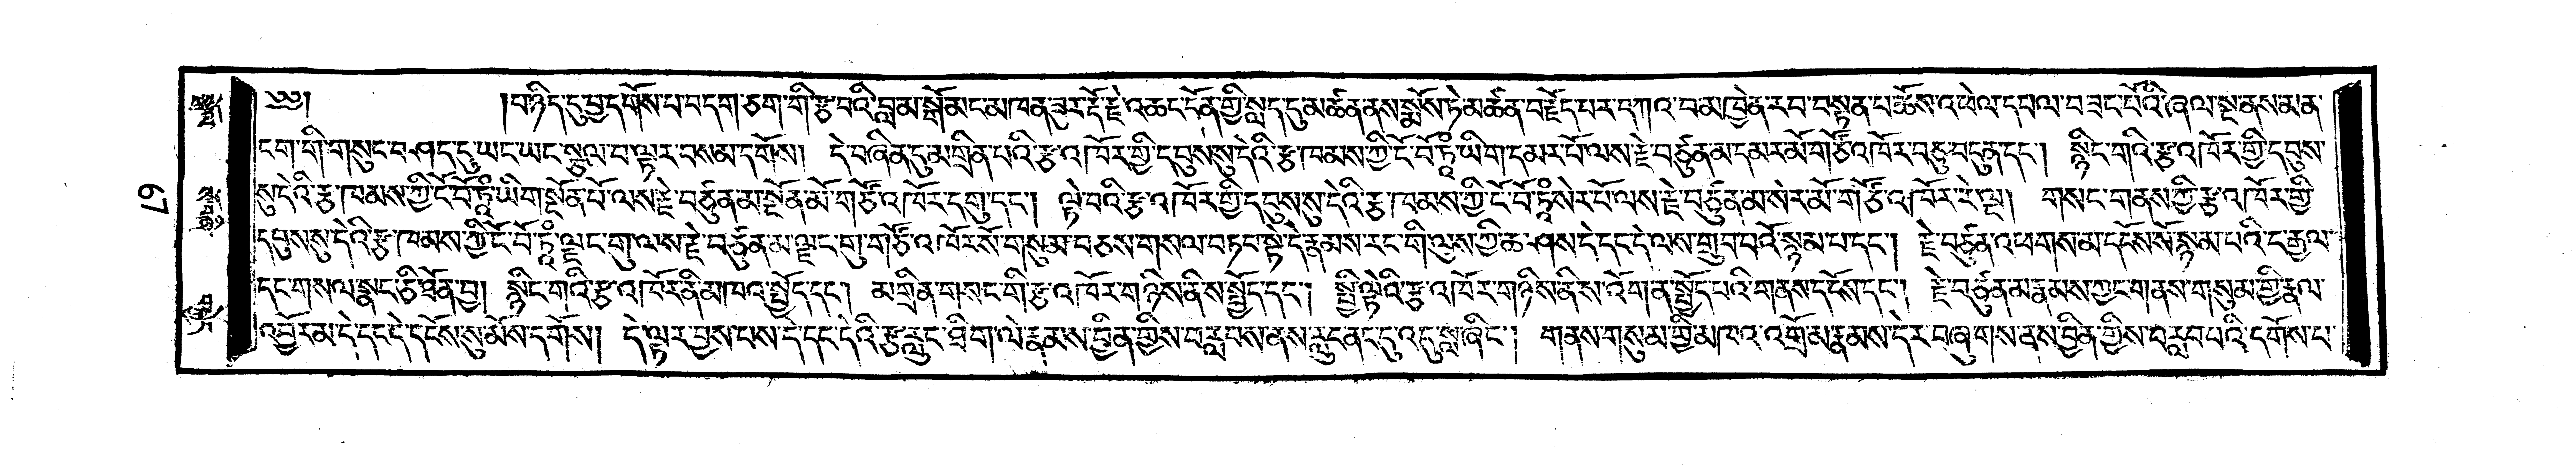༄༅། །པ་ཉིད་དུ་བྱ་དགོས་པར་བདག་ཅག་གི་རྩ་བའི་བླ་མ་སྒོ་མང་མཁན་ཟུར་རྡོ་རྗེ་འཆང་དོན་གྱི་སླད་དུ་མཚན་ནས་སྨོས་ཏེ་མཚན་བརྗོད་པར་དཀའ་བ་མཁྱེན་རབ་བསྟན་པ་ཆོས་འཕེལ་དཔལ་བཟང་པོའི་ཞལ་སྔ་ནས་མན་
ངག་གི་གསུང་བཤད་དུ་ཡང་ཡང་སྩལ་བ་ལྟར་བསམ་དགོས། དེ་བཞིན་དུ་མགྲིན་པའི་རྩ་འཁོར་གྱི་དབུས་སུ་དེའི་རྩ་ཁམས་ཀྱི་ངོ་བོ་ཏཱཾ་ཡིག་དམར་པོ་ལས་རྗེ་བཙུན་མ་དམར་མོ་གཙོ་འཁོར་བཅུ་བདུན་དང་། སྙིང་གའི་རྩ་འཁོར་གྱི་དབུས་
སུ་དེའི་རྩ་ཁམས་ཀྱི་ངོ་བོ་ཏཱཾ་ཡིག་སྔོན་པོ་ལས་རྗེ་བཙུན་མ་སྔོན་མོ་གཙོ་འཁོར་དགུ་དང་། ལྟེ་བའི་རྩ་འཁོར་གྱི་དབུས་སུ་དེའི་རྩ་ཁམས་ཀྱི་ངོ་བོ་ཏཱཾ་སེར་པོ་ལས་རྗེ་བཙུན་མ་སེར་མོ་གཙོ་འཁོར་རེ་ལྔ། གསང་གནས་ཀྱི་རྩ་འཁོར་ག་ཡི་
དབུས་སུ་དེའི་རྩ་ཁམས་ཀྱི་ངོ་བོ་ཏཱཾ་ལྗང་གུ་ལས་རྗེ་བཙུན་མ་ལྗང་གུ་གཙོ་འཁོར་སོ་གསུམ་བཅས་གསལ་བཏབ་སྟེ་དེ་རྣམས་རང་གི་ལུས་ཀྱི་ཆ་ཤས་དེ་དང་དེ་ལས་གྲུབ་པའོ་སྙམ་པ་དང་། རྗེ་བཙུན་འཕགས་མ་དངོས་སོ་སྙམ་པའི་ང་རྒྱལ་
དང་གསལ་སྣང་ཅི་ཐོན་བྱ། སྙིང་གའི་རྩ་འཁོར་ནི་མཁའ་སྤྱོད་དང་། མགྲིན་གསང་གི་རྩ་འཁོར་གཉིས་ནི་ས་སྤྱོད་དང་། སྤྱི་ལྟེའི་རྩ་འཁོར་གཉིས་ནི་ས་འོག་ན་སྤྱོད་པའི་གནས་དངོས་དང་། རྗེ་བཙུན་མ་རྣམས་ཀྱང་གནས་གསུམ་གྱི་རྣལ་
འབྱོར་མ་དེ་དང་དེ་དངོས་སུ་མོས་དགོས། དེ་ལྟར་བྱས་པས་དེ་དང་དེའི་རྩ་རླུང་ཐིག་ལེ་རྣམས་བྱིན་གྱིས་བརླབས་ནས་རླུང་ནང་དུ་འདུ་སླ་ཞིང་། གནས་གསུམ་གྱི་མཁའ་འགྲོ་མ་རྣམས་དེར་བཞུགས་ནས་བྱིན་གྱིས་བརླབ་པའི་དགོས་པ་